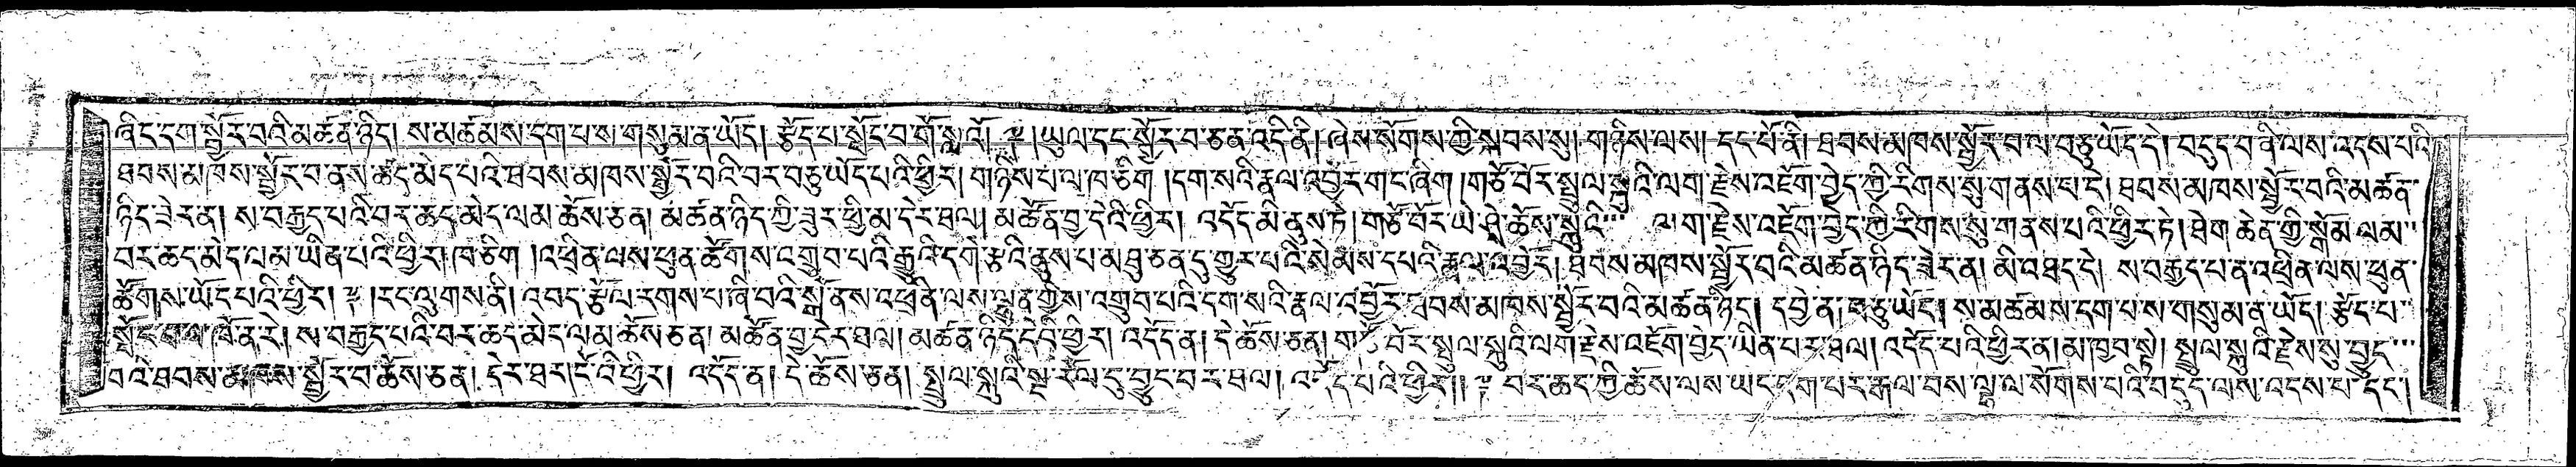ཞིང་དག་སྦྱོར་བའི་མཚན་ཉིད། ས་མཚམས་དག་པ་ས་གསུམ་ན་ཡོད། རྩོད་པ་སྤོང་བ་གོ་སླའོ། ༈ །ཡུལ་དང་སྦྱོར་བ་ཅན་འདི་ནི། ཞེས་སོགས་ཀྱི་སྐབས་སུ། གཉིས་ལས། དང་པོ་ནི། ཐབས་མཁས་སྦྱོར་བ་ལ་བཅུ་ཡོད་དེ། བདུད་བཞི་ལས་འདས་པའི་
ཐབས་མཁས་སྦྱོར་བ་ནས་ཚད་མེད་པའི་ཐབས་མཁས་སྦྱོར་བའི་བར་བཅུ་ཡོད་པའི་ཕྱིར། གཉིས་པ་ལ་ཁ་ཅིག །དག་སའི་རྣལ་འབྱོར་གང་ཞིག །གཙོ་བོར་སྤྲུལ་སྐུའི་ལག་རྗེས་འཇོག་བྱེད་ཀྱི་རིགས་སུ་གནས་པ་དེ། ཐབས་མཁས་སྦྱོར་བའི་མཚན་
ཉིད་ཟེར་ན། ས་བརྒྱད་པའི་བར་ཆད་མེད་ལམ་ཆོས་ཅན། མཚན་ཉིད་ཀྱི་ཟུར་ཕྱི་མ་དེར་ཐལ། མཚོན་བྱ་དེའི་ཕྱིར། འདོད་མི་ནུས་ཏེ། གཙོ་བོར་ཡེ་ཤེས་ཆོས་སྐུའི་ལག་རྗེས་འཇོག་བྱེད་ཀྱི་རིགས་སུ་གནས་པའི་ཕྱིར་ཏེ། ཐེག་ཆེན་གྱི་སྒོམ་ལམ་
བར་ཆད་མེད་ལམ་ཡིན་པའི་ཕྱིར། ཁ་ཅིག། འཕྲིན་ལས་ཕུན་ཚོགས་འགྲུབ་པའི་རྒྱུའི་དགེ་རྩའི་ནུས་པ་མཐུ་ཅན་དུ་གྱུར་པའི་སེམས་དཔའི་རྣལ་འབྱོར། ཐབས་མཁས་སྦྱོར་བའི་མཚན་ཉིད་ཟེར་ན། མི་འཐད་དེ། ས་བརྒྱད་པ་ན་འཕྲིན་ལས་ཕུན་
ཚོགས་ཡོད་པའི་ཕྱིར། ༈ ༑རང་ལུགས་ནི། འབད་རྩོལ་རགས་པ་ཞི་བའི་སྒོ་ནས་འཕྲིན་ལས་ལྷུན་གྱིས་འགྲུབ་པའི་དག་སའི་རྣལ་འབྱོར་ཐབས་མཁས་སྦྱོར་བའི་མཚན་ཉིད། དབྱེ་ན། བཅུ་ཡོད། ས་མཚམས་དག་པ་ས་གསུམ་ན་ཡོད། རྩོད་པ་
སྤོང་བ་ལ་ཁོ་ན་རེ་ས་བརྒྱད་པའི་བར་ཆད་མེད་ལམ་ཆོས་ཅན། མཚོན་བྱ་དེར་ཐལ། མཚན་ཉིད་དེའི་ཕྱིར། འདོད་ན། དེ་ཆོས་ཅན། གཙོ་བོར་སྤྲུལ་སྐུའི་ལག་རྗེས་འཇོག་བྱེད་ཡིན་པར་ཐལ། འདོད་པའི་ཕྱིར་ན། མ་ཁྱབ་སྟེ། སྤྲུལ་སྐུའི་རྗེས་སུ་བྱུང་
བའི་ཐབས་མཁས་སྦྱོར་བ་ཆོས་ཅན། དེར་ཐར། དེའི་ཕྱིར། འདོད་ན། དེ་ཆོས་ཅན། སྤྲུལ་སྐུའི་སྔ་རོལ་དུ་བྱུང་བར་ཐལ། འདོད་པའི་ཕྱིར།། ༈ བར་ཆད་ཀྱི་ཆོས་ལས་ཡང་དག་པར་རྒལ་བས་ལྷ་ལ་སོགས་པའི་བདུད་ལས་འདས་པ་དང་།